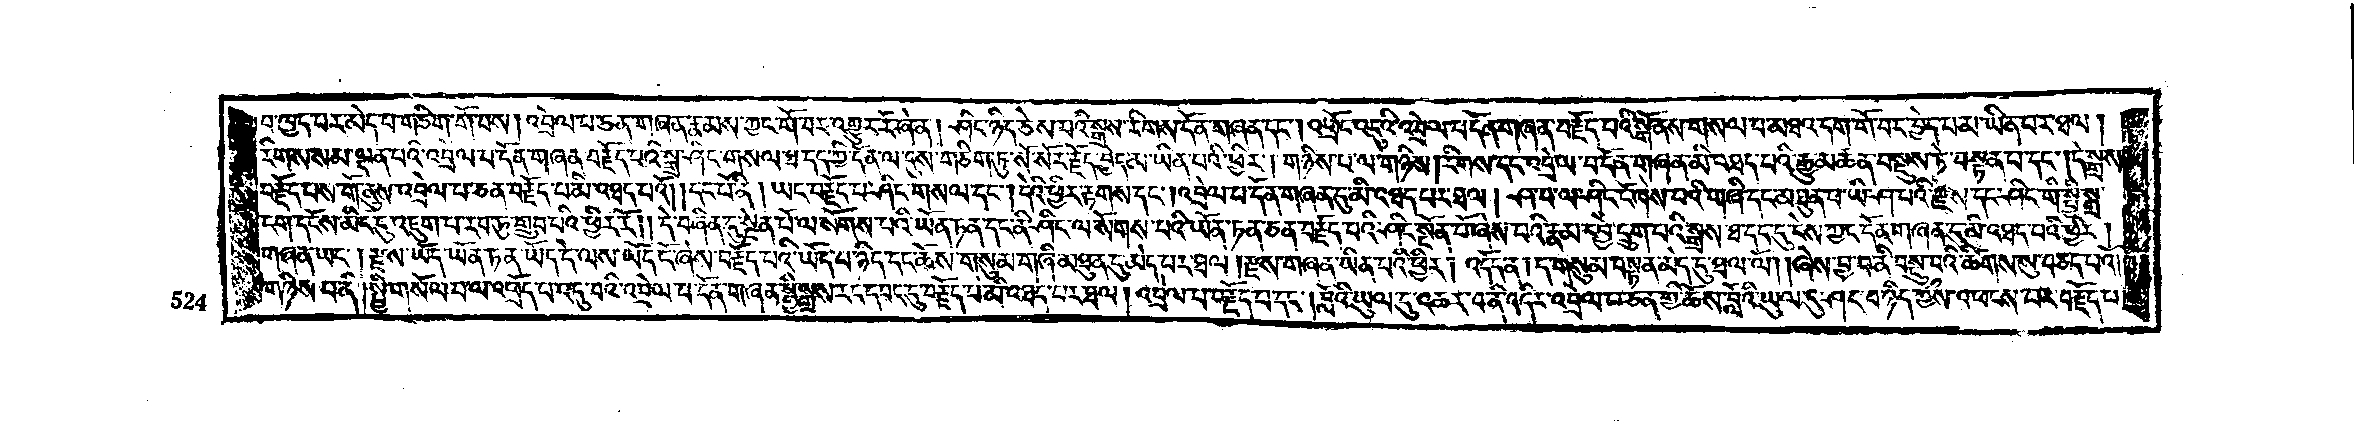བ་ཁྱད་པར་མེད་པ་གཅིག་གོ་བས། འབྲེལ་བ་ཅན་གཞན་རྣམས་ཀྱང་གོ་བར་འགྱུར་རོ་ཞེ་ན། ཤིང་ཉིད་ཅེས་པའི་སྒྲས་རིགས་དོན་གཞན་དང་། འཕྲོང་འདུའི་འབྲེལ་བ་དོན་གཞན་བརྗོད་པའི་སྒོ་ནས་གསལ་པ་མཐའ་དག་གོ་བར་བྱེད་པ་མ་ཡིན་པར་ཐལ།
རིགས་སམ་ལྡན་པའི་འབྲེལ་བ་དོན་གཞན་བརྗོད་པའི་སྒྲ་ཤིང་གསལ་ཐ་དད་ཀྱི་དོན་ལ་དུས་གཅིག་ཏུ་སོ་སོར་རྗོད་བྱེད་མ་ཡིན་པའི་ཕྱིར། གཉིས་པ་ལ་གཉིས། རིགས་དང་འབྲལ་བ་དོན་གཞན་མི་འཐད་པའི་རྒྱུ་མཚན་བསྡུས་ཏེ་བསྟན་པ་དང་། དེ་སྒྲས་
བརྗོད་པ་གོ་ནུས་འབྲེལ་བ་ཅན་བརྗོད་པ་མི་འཐད་པའོ། །དང་པོ་ནི། ཡང་བརྗོད་པ་ཤིང་གསལ་དང་། དེའི་ཕྱིར་རྟགས་དང་། འབྲལ་བ་དོན་གཞན་དུ་མི་འཐད་པར་ཐལ། ཤ་པ་ལ་ཤིང་ངོ་ཞེས་པའི་གཞིན་དང་མཐུན་པ་ཡི་ཤ་པ་པའི་རྫས་དང་ཤིང་གི་སྤྱི་སྒྲ་
ང་དངོས་མིང་དུ་འཇུག་པ་རབ་ཏུ་སྒྲུབ་པའི་ཕྱིར་རོ། །དེ་བཞིན་དུ་སྔོན་པོ་ལ་སོགས་པའི་ཡོན་ཏན་དང་ནི་ཤིང་ལ་སོགས་པའི་ཡོན་ཏན་ཅན་བརྗོད་པའི་ཤིང་སྔོན་པོ་ཞེས་པའི་རྣམ་དབྱེ་དྲུག་པའི་སྒྲས་ཐ་དད་དུ་ངེས་ཀྱང་དོན་གཞན་དུ་མི་འཐད་པའི་ཕྱིར།
གཞན་ཡང་། རྫས་ཡོད་ཡོན་ཏན་ཡོད་དེ་ལས་ཡོད་དོ་ཞེས་བརྗོད་པའི་ཡོད་པ་ཉིད་དང་ཆོས་གསུམ་གཞི་མཐུན་དུ་མེད་པ་ཐལ། རྫས་གཞན་ཡིན་པའི་ཕྱིར། འདོད་ན། ད་གསུམ་བསྟན་མེད་དུ་ཐལ་ལོ། །ཞེས་བྱ་བ་ནི་བསྡུ་བའི་ཚིགས་སུ་བཅད་པའོ། །
གཉིས་པ་ནི། སྤྱི་གསོལ་པ་ལ་འཕྲོད་པ་འདུ་བའི་འབྲལ་བ་དོན་གཞན་གྱི་སྒྲས་རང་དབང་དུ་བརྗོད་པ་མི་འཐད་པར་ཐལ། འབྲེལ་པ་བརྗོད་པ་དང་། བློའི་ཡུལ་དུ་འཆར་བ་ནི་འདིར་འབྲལ་བ་ཅན་གྱི་ཆོས་བློའི་ཡུལ་དུ་ཤིང?་བ་ཉིད་ཀྱིས་འཕངས་པར་བརྗོད་པ་